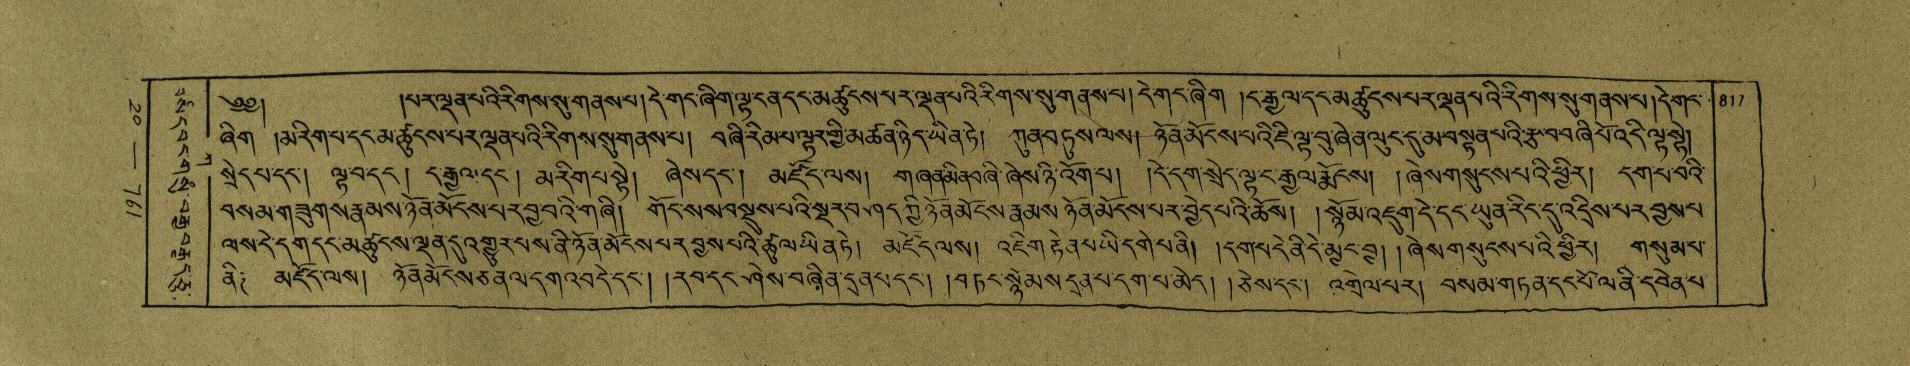༄༅། །པར་ལྡན་པའི་རིགས་སུ་གནས་པ། དེ་གང་ཞིག་ལྟ་ངན་དང་མཚུངས་པར་ལྡན་པའི་རིགས་སུ་གནས་པ། དེ་གང་ཞིག །ང་རྒྱལ་དང་མཚུངས་པར་ལྡན་པའི་རིགས་སུ་གནས་པ། དེ་གང་
ཞིག །མ་རིག་པ་དང་མ་ཚུངས་པར་ལྡན་པའི་རིགས་སུ་གནས་པ། བཞི་རིམ་པ་ལྟར་གྱི་མཚན་ཉིད་ཡིན་ཏེ། ཀུན་བཏུས་ལས། ཉོན་མོངས་པའི་ཇི་ལྟ་བུ་ཞེ་ན་ལུང་དུ་མ་བསྟན་པའི་རྩ་བ་བཞི་པོ་འདི་ལྟ་སྟེ།
སྲེད་པ་དང་། ལྟ་བ་དང་། ང་རྒྱལ་དང་། མ་རིག་པ་སྟེ། ཞེས་དང་། མཛོད་ལས། གཞན་མིན་བཞི་ཞེས་ཉི་འོག་པ། །དེ་དག་སྲེད་ལྟ་ང་རྒྱལ་རྨོངས། །ཞེས་གསུངས་པའི་ཕྱིར། དག་པ་བའི་
བསམ་གཟུགས་རྣམས་ཉོན་མོངས་པར་བྱ་བའི་གཞི། གོང་སས་བསྡུས་པའི་སྔར་བཤད་ཀྱི་ཉོན་མོངས་རྣམས་ཉོན་མོངས་པར་བྱེད་པའི་ཆོས། །སྙོམ་འཇུག་དེ་དང་ཡུན་རིང་དུ་འདྲིས་པར་བྱས་པ་
ལས་དེ་དག་དང་མཚུངས་ལྡན་དུ་འགྱུར་པས་ནི་ཉོན་མོངས་པར་བྱས་པའི་ཚུལ་ཡིན་ཏེ། མཛོད་ལས། འཇིག་རྟེན་པ་ཡི་དགེ་པ་ནི། །དག་པ་དེ་ནི་དེ་མྱང་བྱ། །ཞེས་གསུངས་པའི་ཕྱིར། གསུམ་པ་
ནི༑ མཛོད་ལས། ཉོན་མོངས་ཅན་ལ་དགའ་བདེ་དང་། །རབ་དང་ཤེས་བཞིན་དྲན་པ་དང་། །བཏང་སྙོམས་དྲན་པ་དག་པ་མེད། །ཅེས་དང་། འགྲེལ་པར། བསམ་གཏན་དང་པོ་ལ་ནི་དབེན་པ་